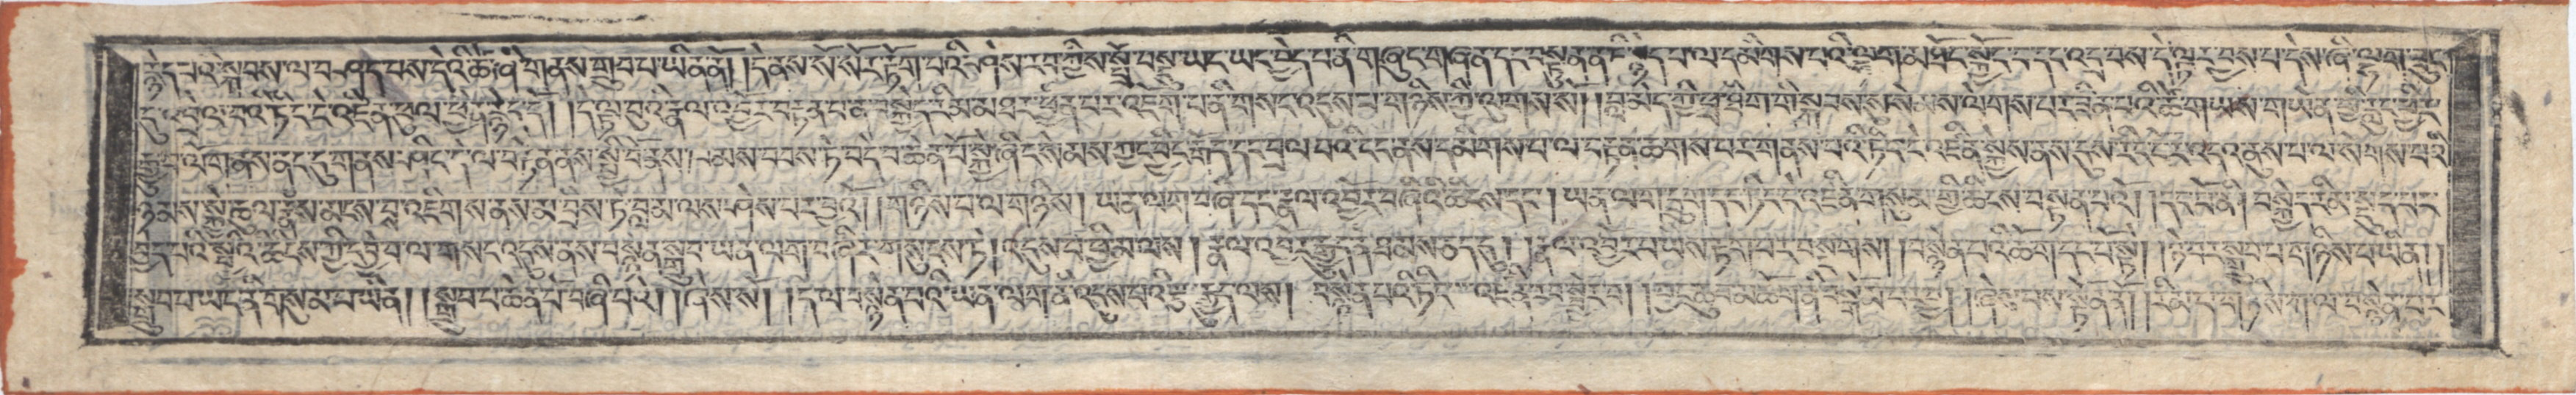རྙེད་པའི་སྐབས་ལ་བཤད་པས་དེའི་ཚེ་ཞི་གནས་གྲུབ་པ་ཡིན་ནོ། །དེ་ནས་སོ་སོར་རྟོག་པའི་ཤེས་རབ་ཀྱིས་སྤྲོ་བསྡུ་ཡང་ཡང་བྱེད་པ་ནི་གཞུང་གཞན་དང་བསྟུན་ན་ཇི་སྙེད་པ་ལ་དམིགས་པའི་ལྷག་མཐོང་སྐྱོང་བ་དང་འདྲ་བས་དེ་ལྟར་བྱས་པ་དེས་ཞི་ལྷག་ཟུང་
དུ་འབྲེལ་བའི་ཏིང་ངེ་འཛིན་ཕུལ་ཕྱིན་རྙེད་དོ། །དེ་ལྟ་བུའི་རྣལ་འབྱོར་བརྟན་པ་ན་བསྐྱེད་རིམ་མཐར་ཕྱིན་པར་འཇོག་པ་ནི་གསང་འདུས་པ་གཉིས་ཀྱི་ལུགས་སོ། །བླ་མེད་ཀྱི་ཕྲ་ཐིག་གི་སྐབས་སུ་སེམས་ལེགས་པར་ཟིན་པའི་ཚེ་གཡས་གཡོན་གྱི་རླུང་ཕྱིར་
རྒྱུ་བ་ལོག་ནས་ནང་དུ་གནས་ཤིང་དེ་ལ་བརྟེན་ནས་སྤྱི་བོ་ནས་ཁམས་བབས་ཏེ་བདེ་བ་ཆེན་པོ་སྐྱེ་ཞིང་སེམས་ཀྱང་བྱིང་རྒོད་དང་བྲལ་བའི་ངང་ནས་དམིགས་པ་ལ་བརྟན་ཆགས་པར་གནས་པའི་ཏིང་ངེ་འཛིན་སྐྱེས་ནས་དུས་རིང་པོར་འདའ་ནུས་པ་ལ་སོགས་པའི་
ཉམས་སྐྱེ་ཚུལ་རྣམས་མངས་བས་འཇིགས་ནས་མ་བྲིས་ཏེ་བླ་མ་ལས་ཤེས་པར་བྱའོ། །གཉིས་པ་ལ་གཉིས། ཡན་ལག་བཞི་དང་རྣལ་འབྱོར་བཞིའི་ཆིངས་དང་། ཡན་ལག་དྲུག་དང་ཏིང་ངེ་འཛིན་གསུམ་གྱི་ཆིངས་བསྟན་པའོ། །དང་པོ་ནི། བསྐྱེད་རིམ་སྡུད་པར་
བྱེད་པའི་སྤྱིའི་ཆིངས་ཀྱི་དབྱེ་བ་ལ་གསང་འདུས་ནས་བསྙེན་སྒྲུབ་ཡན་ལག་བཞིར་གསུངས་ཏེ། འདུས་པ་ཕྱི་མ་ལས། རྣལ་འབྱོར་རྒྱུད་ནི་ཐམས་ཅད་དུ། །རྣལ་འབྱོར་པ་ཡིས་རྟག་པར་བསྔགས། །བསྙེན་པའི་ཆོ་ག་དང་པོ་སྟེ། །ཉེ་བར་སྒྲུབ་པ་གཉིས་པ་ཡིན། །
སྒྲུབ་པ་ཡང་ནི་གསུམ་པ་ཡིན། །སྒྲུབ་པ་ཆེན་པོ་བཞི་པའོ། །ཞེས་སོ། །དེ་ལ་བསྙེན་པའི་ཡན་ལག་ནི་འདུས་པའི་རྩ་རྒྱུད་ལས། བསྙེན་པའི་ཏིང་འཛིན་རབ་སྦྱོར་བ། །བྱང་ཆུབ་མཆོག་ནི་བསྒོམ་པར་བྱ། །ཞེས་པས་སྟོན་ནོ། །རིམ་པ་གཉིས་ཀ་ལ་བསྙེན་པར་